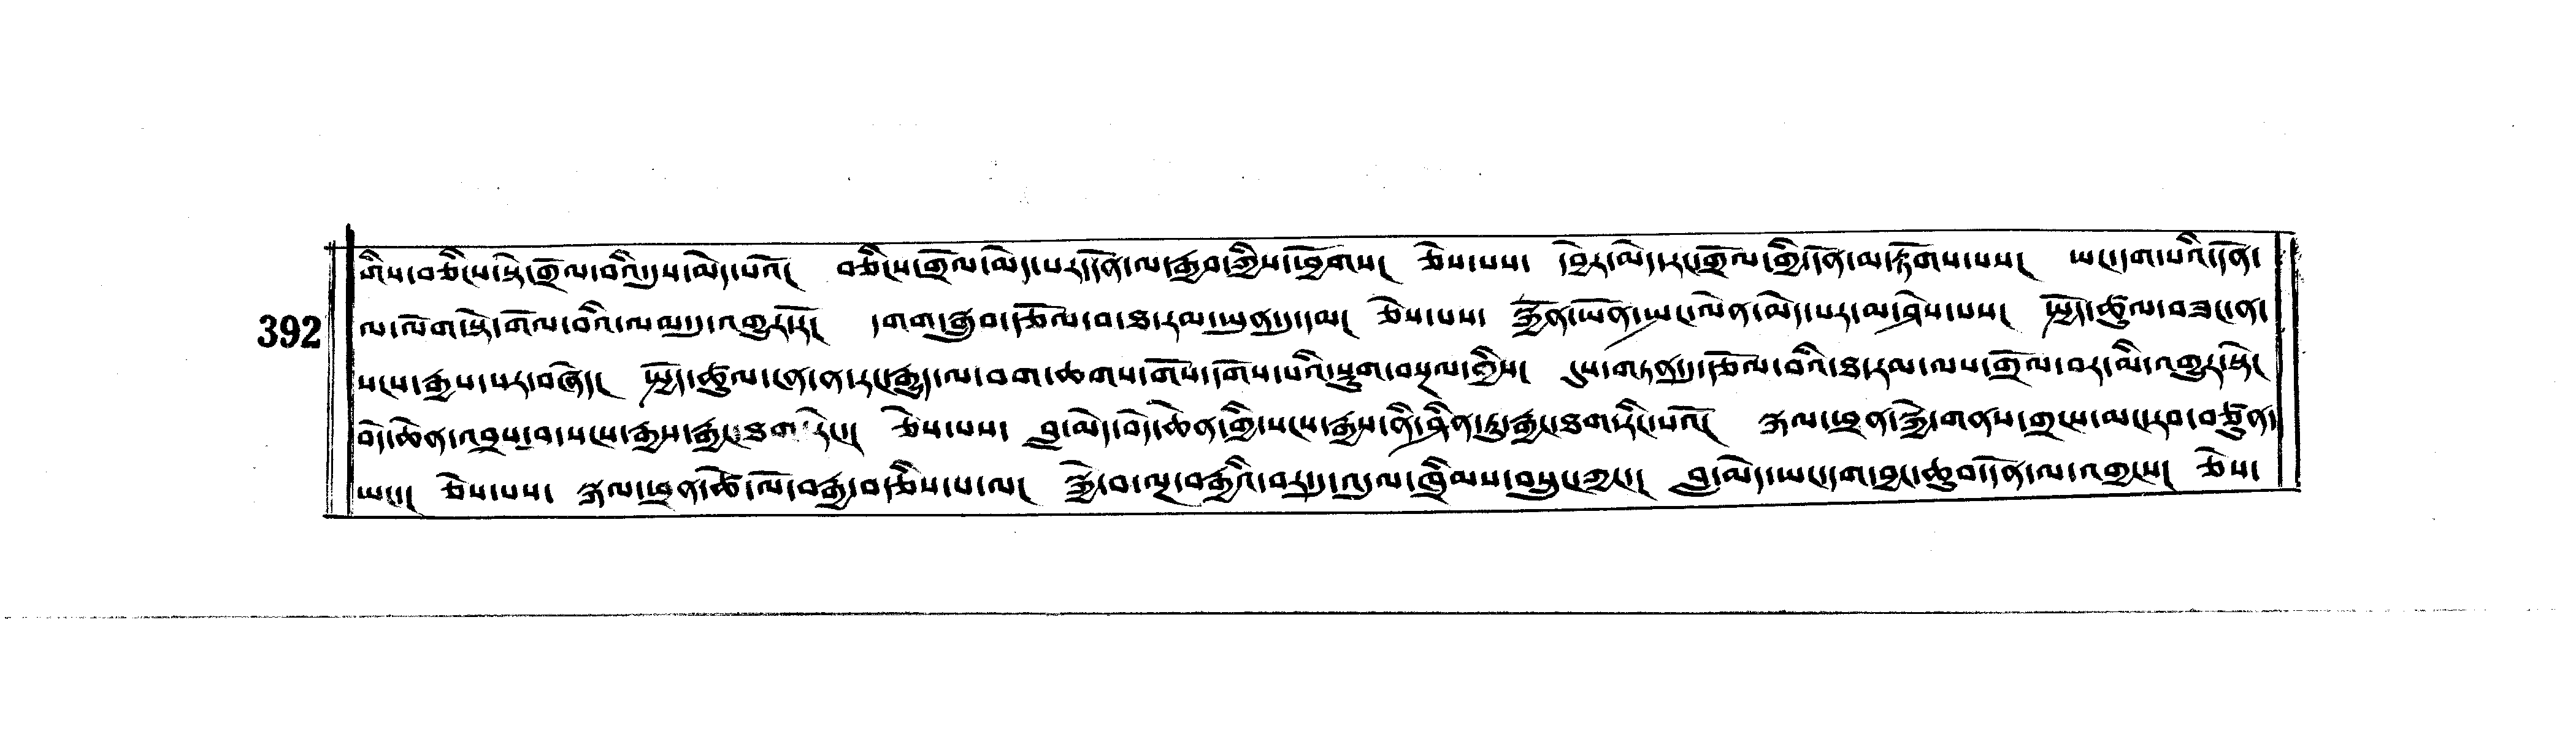གིས་བཅིང་སྟེ་གྲོལ་བའི་དུས་མེད་པའོ། བཅིངས་གྲོལ་མེད་པར་དོན་ལ་རྒྱབ་ཀྱིས་ཕྱོགས། ཅེས་པས། དབྱེར་མེད་རང་གྲོལ་གྱི་དོན་མ་རྟོགས་པས། ཡང་དག་པའི་དོན་
ལ་ལོག་སྟེ་གོལ་བའི་ལམ་དུ་འགྱུར་རོ། དགག་སྒྲུབ་རྩོལ་བ་ཐ་རམ་ཡུན་དུ་དམ། ཅེས་པས། སྐྱོན་ཡོན་སྤང་ལེན་མེད་པར་མ་ཤེས་པས། སྤྱོད་ཚུལ་བཟང་ངན་
སངས་རྒྱས་པར་བཞེད། སྤྱོད་ཚུལ་ངན་ན་རང་རྒྱུད་ལ་བག་ཆགས་གོས་བགོས་པའི་སྡུག་བསྔལ་གྱིས། དུས་གཏན་དུ་རྩོལ་བའི་ཐ་རམ་ལས་གྲོལ་བར་མི་འགྱུར་སྟེ། 
བདེ་ཆེན་འབྲས་བུ་སངས་རྒྱས་རྒྱང་ཐག་རིང་། ཅེས་པས། བླ་མེད་བདེ་ཆེན་གྱི་སངས་རྒྱས་ནི་ཤིན་ཏུ་རྒྱང་ཐག་རིང་བའོ། བསྐལ་ཕྲན་སྐྱེ་གནས་གྲངས་མང་རབ་བཙུན་
ཡང་། ཅེས་པས། བསྐལ་ཕྲན་ཚེ་ལོ་བརྒྱ་བརྩིས་པ་ལ། སྐྱེ་བ་ལྔ་བརྒྱའི་བར་དུ་འདུལ་ཁྲིམས་བསྲུངས་ཀྱང་། བླ་མེད་ཡང་དག་བྱང་ཆུབ་དོན་ལ་འགྱངས། ཅེས་